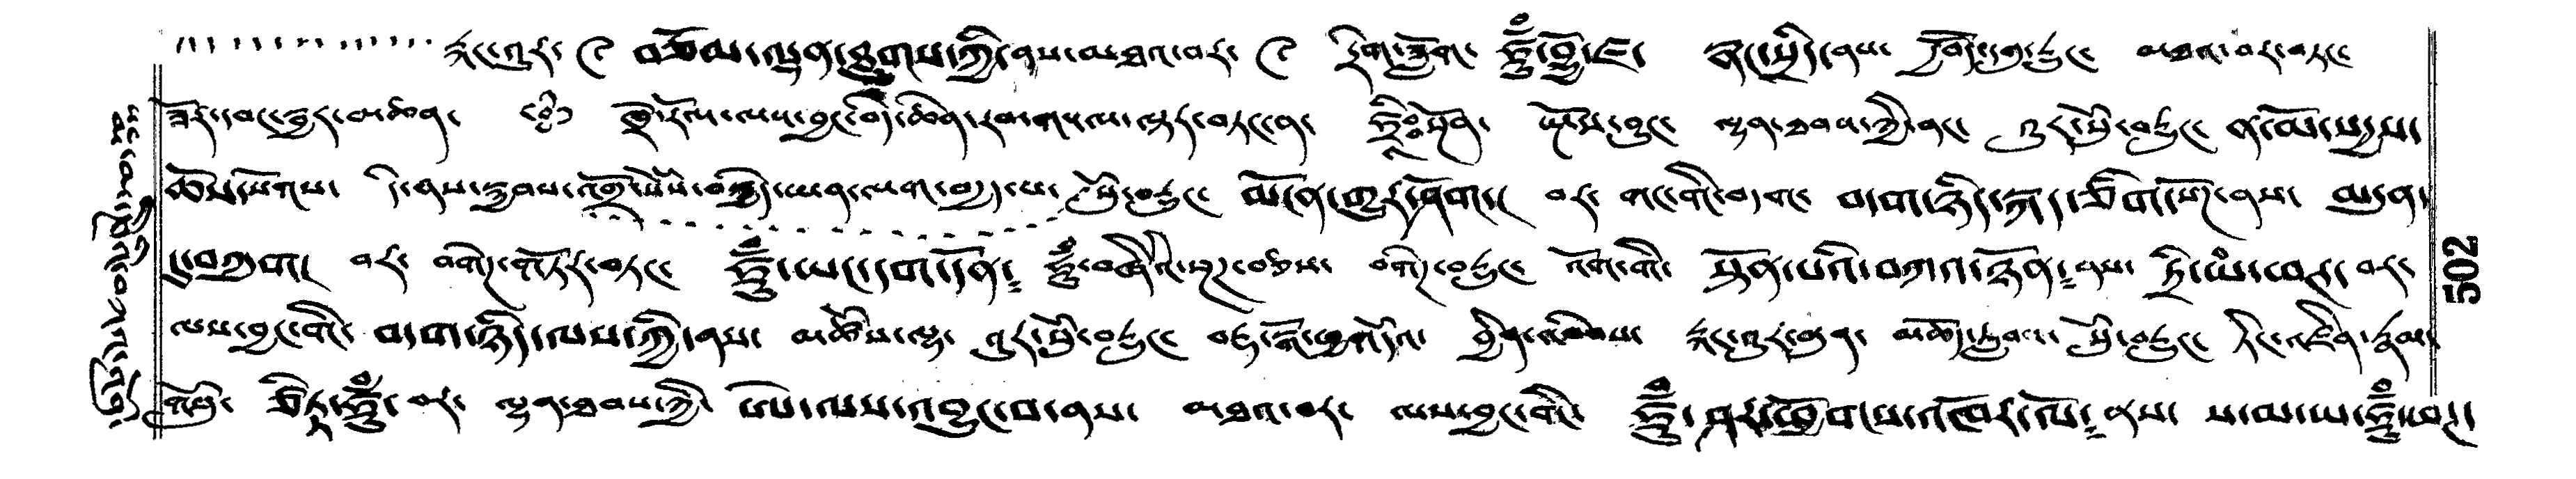( རྐང་འུར་དགུ ) བཅོམ་ལྡན་ཐུགས་ཀྱི༴ ནས་མཐའ་བར། ( དགུ ) དྲེགས་ཟློག ཧཱུྃ་བྷྱོ་ཛ༔ སྣང་སྲིད༴ ནས། ( རྒྱོབ་སོད་དགུ་བརྡུང་། ) མཐའ་བར་བཏང་། 
( ཟོར་དབང་སྦྱར་མཚན། ) ༈ ཁྲོ་རོལ་ལས་བྱང་བདེ་ཆེན་རབ་གསལ་ལྟར་གཏོང་ན། ཧྲཱིཿསྔོན༴ སྤོས་ཕྱུང་། ལྷན་ཐབས་ཀྱི་ནང་། ( འུར་སུམ་བརྡུང་། ) ན་མོ། སངས་རྒྱས་
ཆོས༴ སོགས། དེ་ནས་སྐྱབས་འགྲོ། སེམས་བསྐྱེད། ཡན་ལག་བརྒྱད་པ། མངོན་གྱུར་ཤོག བར། ( གང་གི་བདག ) བདག་ཉིད་སྐད་ཅིག༴ སོགས་ནས། མདུན་
དུ་བཀུག བར། བགེགས་གཏོར་བཏང་། ཧཱུྃ༔ཡང་དག་དོན༴ ཧཱུྃ་བཞིའི་སྔགས་བཅས། ( བགེགས་བརྡུང་། ) འོག་གི སྟོན་པའི་བཀའ་ཉོན༴ ནས། ཏྲི་ཡཾ་ཕཊཿ བར། 
ལས་བྱང་གི བདག་ཉིད་ལས་ཀྱི༴ ནས། མཚམས་ལྷ། ( འུར་སུམ་བརྡུང་། ) བརྡ་སྒོ་བརྡ་ཕྱག་མདམ་བཅའ། བྱིན་འབེབས། ( རྐང་འུར་ནུན། ) མཆོད་རླབས། ( སུམ་བརྡུང་། ) ཏིང་འཛིན་རྣམ་
གསུམ། ཙིཏྟ་ཧཱུྃ༔ བར། ལྷན་ཐབས་ཀྱི། ཨེ་ལས་འབྱུང་བ༴ ནས། མཐའ་བར། ལས་བྱང་གི ཧཱུྃ༔ཤར་ཕྱོགས་འཁོར་ལོ༴ ནས། ས་མ་ཡ་ཧཱུྃ་ཕཊཿ